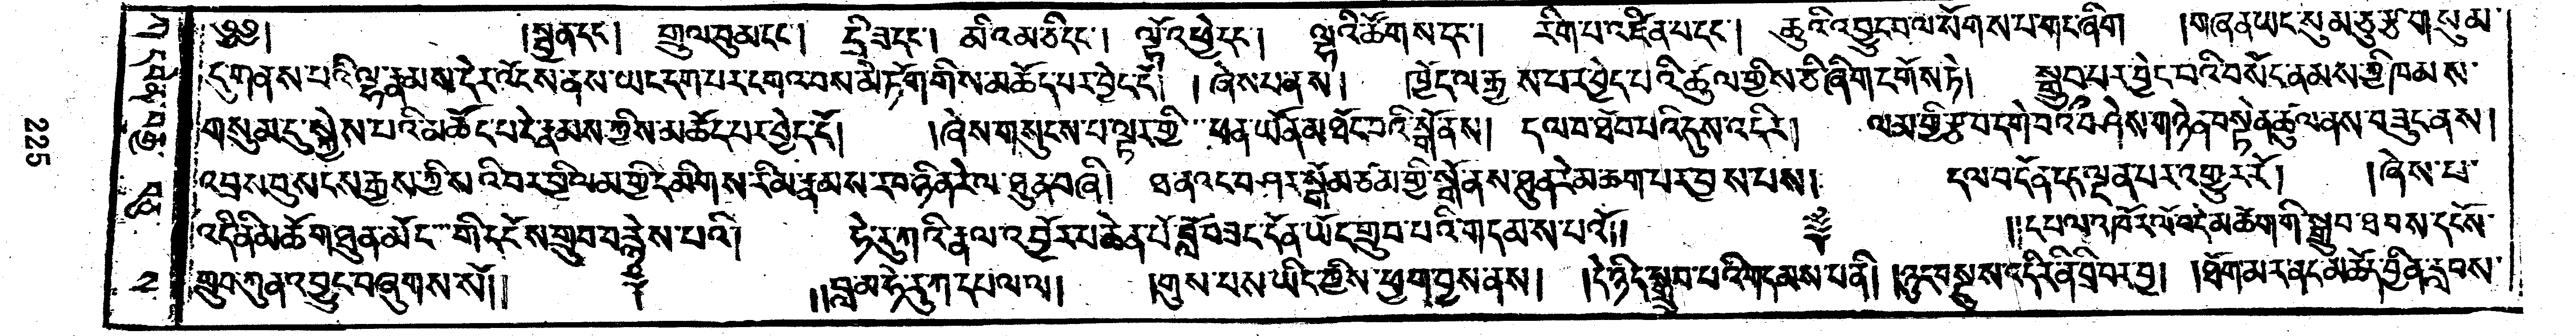༄༅། །སྦྱན་དང་། གྲུལ་བུམ་དང་། དྲི་ཟ་དང་། མིའམ་ཅི་དང་། ལྟོ་འཕྱེ་དང་། ལྷའི་ཚོགས་དང་། རིག་པ་འཛིན་པ་དང་། ཆུའི་འབྱུང་བ་ལ་སོགས་པ་གང་ཞིག །གཞན་ཡང་སུམ་ཅུ་རྩ་གསུམ་
དུ་གནས་པའི་ལྷ་རྣམས་དེར་འོངས་ནས་ཡང་དག་པར་དགའ་བས་མེ་ཏོག་གིས་མཆོད་པར་བྱེད་དོ། །ཞེས་པ་ནས། ཁྱོད་ལ་རྒྱས་པར་བྱེད་པའི་ཚུལ་གྱིས་ཅི་ཞིག་དགོས་ཏེ། སྒྲུབ་པར་བྱེད་བའི་བསོད་ནམས་ཀྱི་ཁམས་
གསུམ་དུ་སྐྱེས་པའི་མཆོད་པ་དེ་རྣམས་ཀྱིས་མཆོད་པར་བྱེད་དོ། །ཞེས་གསུངས་པ་ལྟར་གྱི་ཕན་ཡོན་མཐོང་བའི་སྒོ་ནས། དལ་བ་ཐོབ་པའི་དུས་འདིར། ལམ་གྱི་རྩ་བ་དགེ་བའི་བཤེས་གཉེན་བསྟེན་ཚུལ་ནས་བཟུང་ནས།
འབྲས་བུ་སངས་རྒྱས་ཀྱི་སའི་བར་གྱི་ལམ་གྱི་དམིགས་རིམ་རྣམས་རབ་ཉིན་རེ་ལ་ཐུན་བཞི། ཐ་ནའང་བཤར་སྒོམ་ཙམ་གྱི་སྒོ་ནས་ཐུན་རེ་མ་ཆག་པར་བྱས་པས། དལ་བ་དོན་དད་ལྡན་པར་འགྱུར་རོ། །ཞེས་པ་
འདི་ནི་མཆོག་ཐུན་མོང་གི་དངོས་གྲུབ་བརྙེས་པའི། ཧེ་རུ་ཀའི་རྣལ་འབྱོར་པ་ཆེན་པོ་བློ་བཟང་དོན་ཡོང་གྲུབ་པའི་གདམས་པའོ།། ༈ །།དཔལ་འཁོར་ལོ་བདེ་མཆོག་གི་སྒྲུབ་ཐབས་དངོས་
གྲུབ་ཀུན་འབྱུང་བཞུགས་སོ།། ༈ །།བླ་མ་ཧེ་རུ་ཀ་དཔལ་ལ། །གུས་པས་ཡིད་ཀྱིས་ཕྱག་བྱས་ནས། །དེ་ཉིད་སྒྲུབ་པའི་གདམས་པ་ནི། །ཉུང་བསྡུས་འདིར་ནི་བྲི་བར་བྱ། །ཐོག་མར་ནང་མཆོད་བྱིན་རླབས་